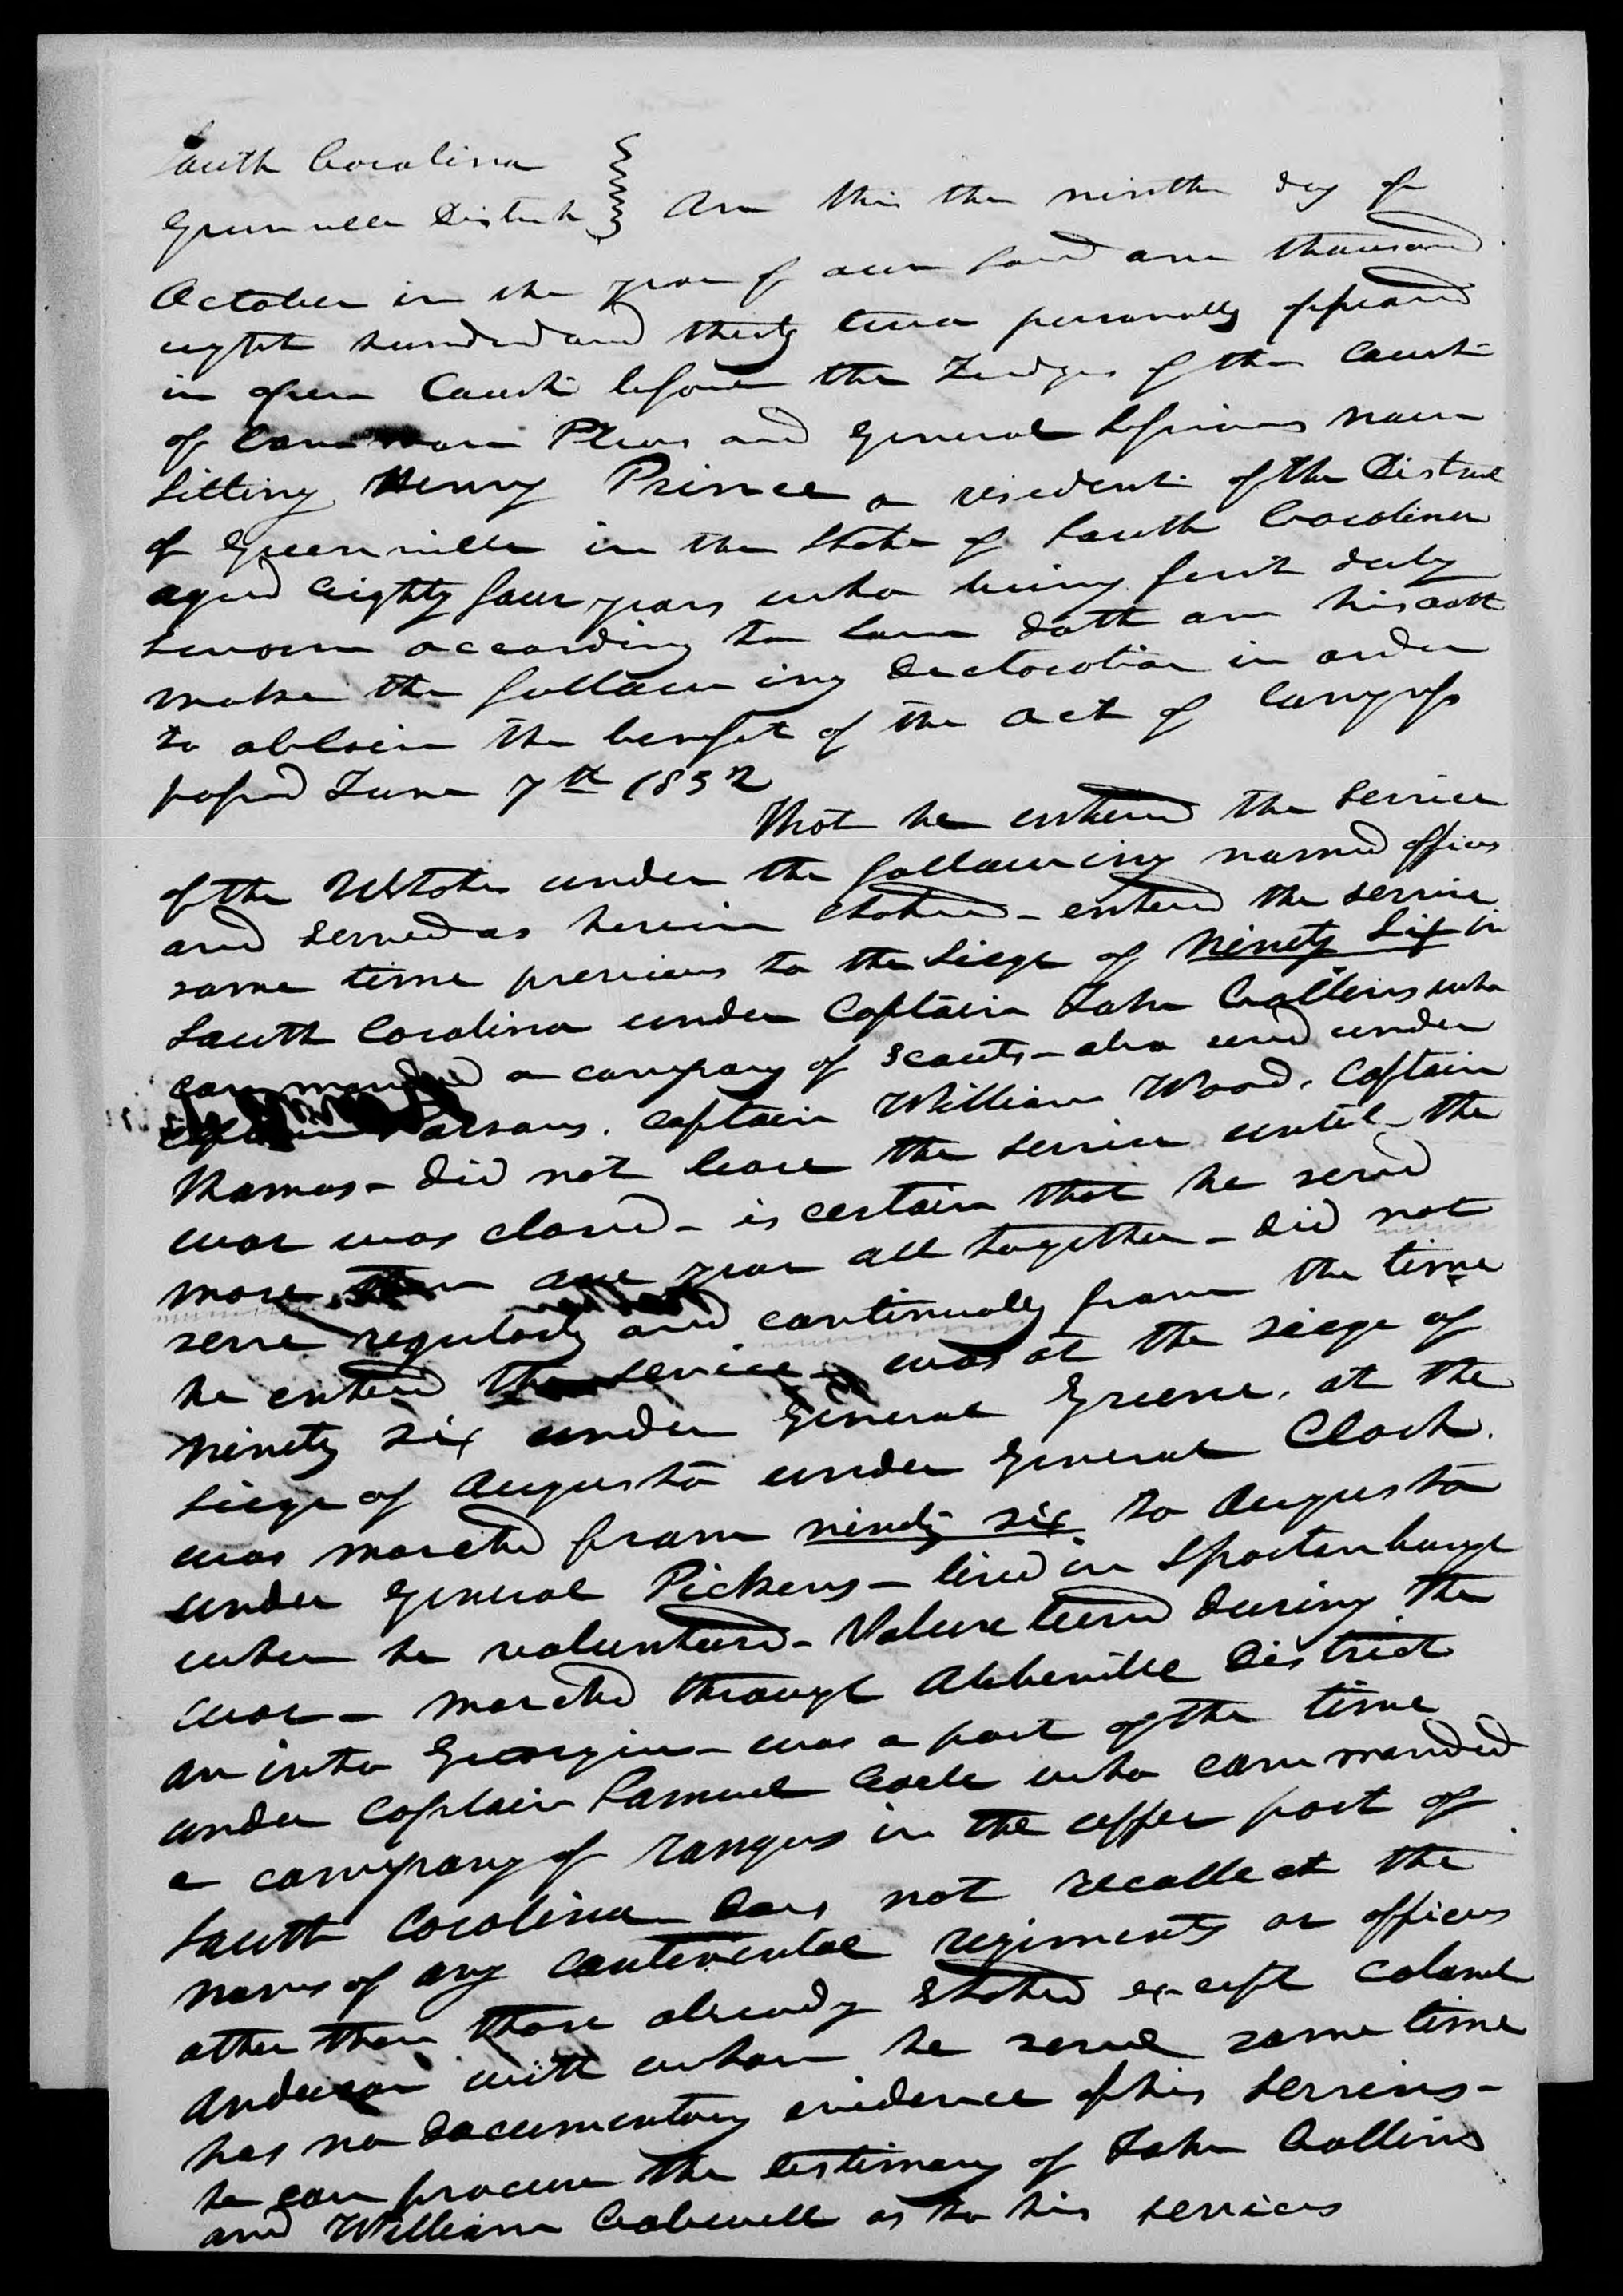South Carolina
Greenville District
On this ninth day of October in the year of our Lond one thousand eight hundred and thirty two personally appeared
in open Court before the Judges of the Court
of Common Pleas and General sessions main sitting Henry Prince a resident of the District
of Greenville in the State of South Carolina
aged eighty four years who being first duly
Sworn according to law doth on his oath
make the following declaration in order
to obtain the benefit of the act of Congress
passed June 7th 1832
 
That he entered the service
of the United States under the following named officers and served as herein [illegible]  entered the service some time previous to the Siege of ninety six in  South Carolina under Captain John Collins who commanded a company of scouts also served under Captain Parsan's, captain William Wood, Captain Thomas did not leave the service until the
war was closed is certain that he served
more than one year all together did not
serve regularly and continually from the time
he entered the service he was at the siege of
Ninety Six under General Greene, at the
siege of Augusta under General Clark
was marched from ninety - six to Augusta
under General Pickens live in Spartanburgh [Spartanburg] when he volunturn [Volunteered]-  volunturn [Volunteered]  during the war - marched through Abbeville District and in to Georgia was a part of the time under Captain Samuel Clock who commanded a company of rangers in the after part of South Carolina has not recollect the
names of any continental regiments or officers
other than those already stated except
Colonel Anderson with whom he served some time has no documentary evidence of his service she
can procure the testimony of John Collins
and William Crabwell as to his services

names: William Wood; William Crabwell; [BLANK] Pickens; [BLANK] Clock; [BLANK] Greene; Samuel Clock; John Collins; Henry Prince; [BLANK] Anderson; [BLANK] Thomas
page: 4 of 23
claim: survivor's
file: S. 18,168, for Henry Prince, South Carolina